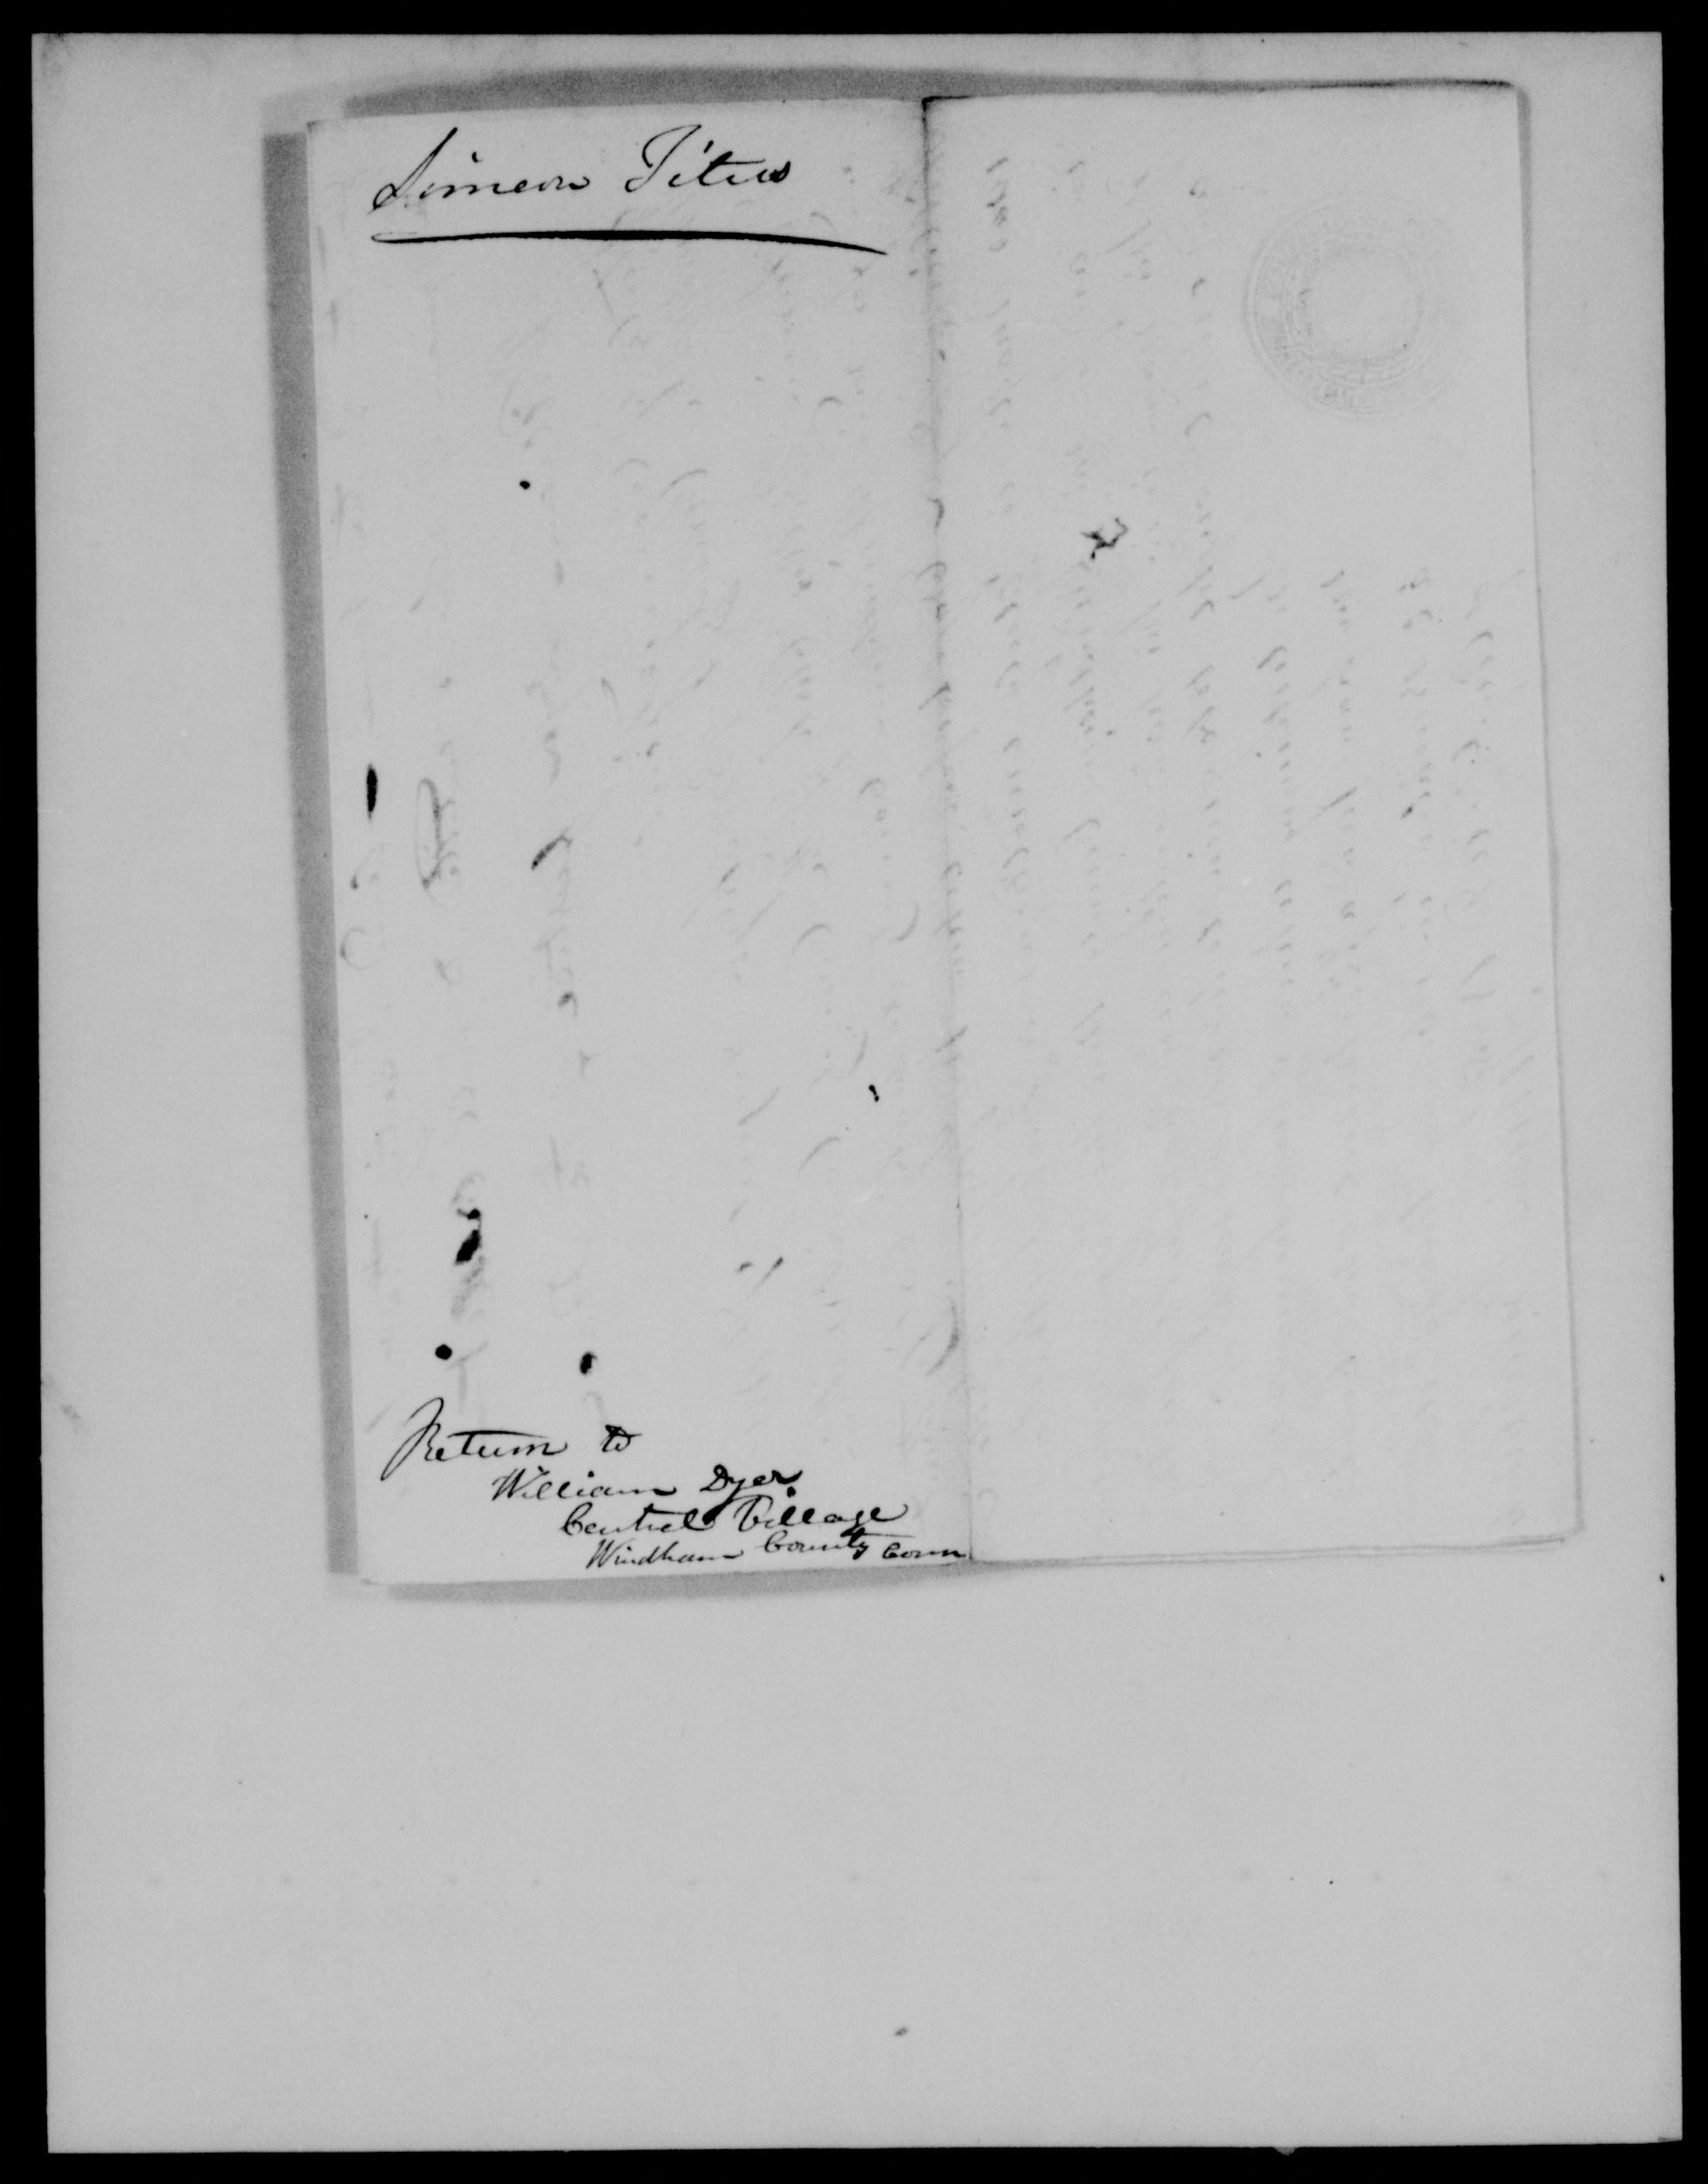Simeon Titus
Return to
William Dyer
Central Village
Windham County
Conn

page: 28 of 74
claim: survivor's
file: S. 11556, for Simeon Titus, Rhode Island